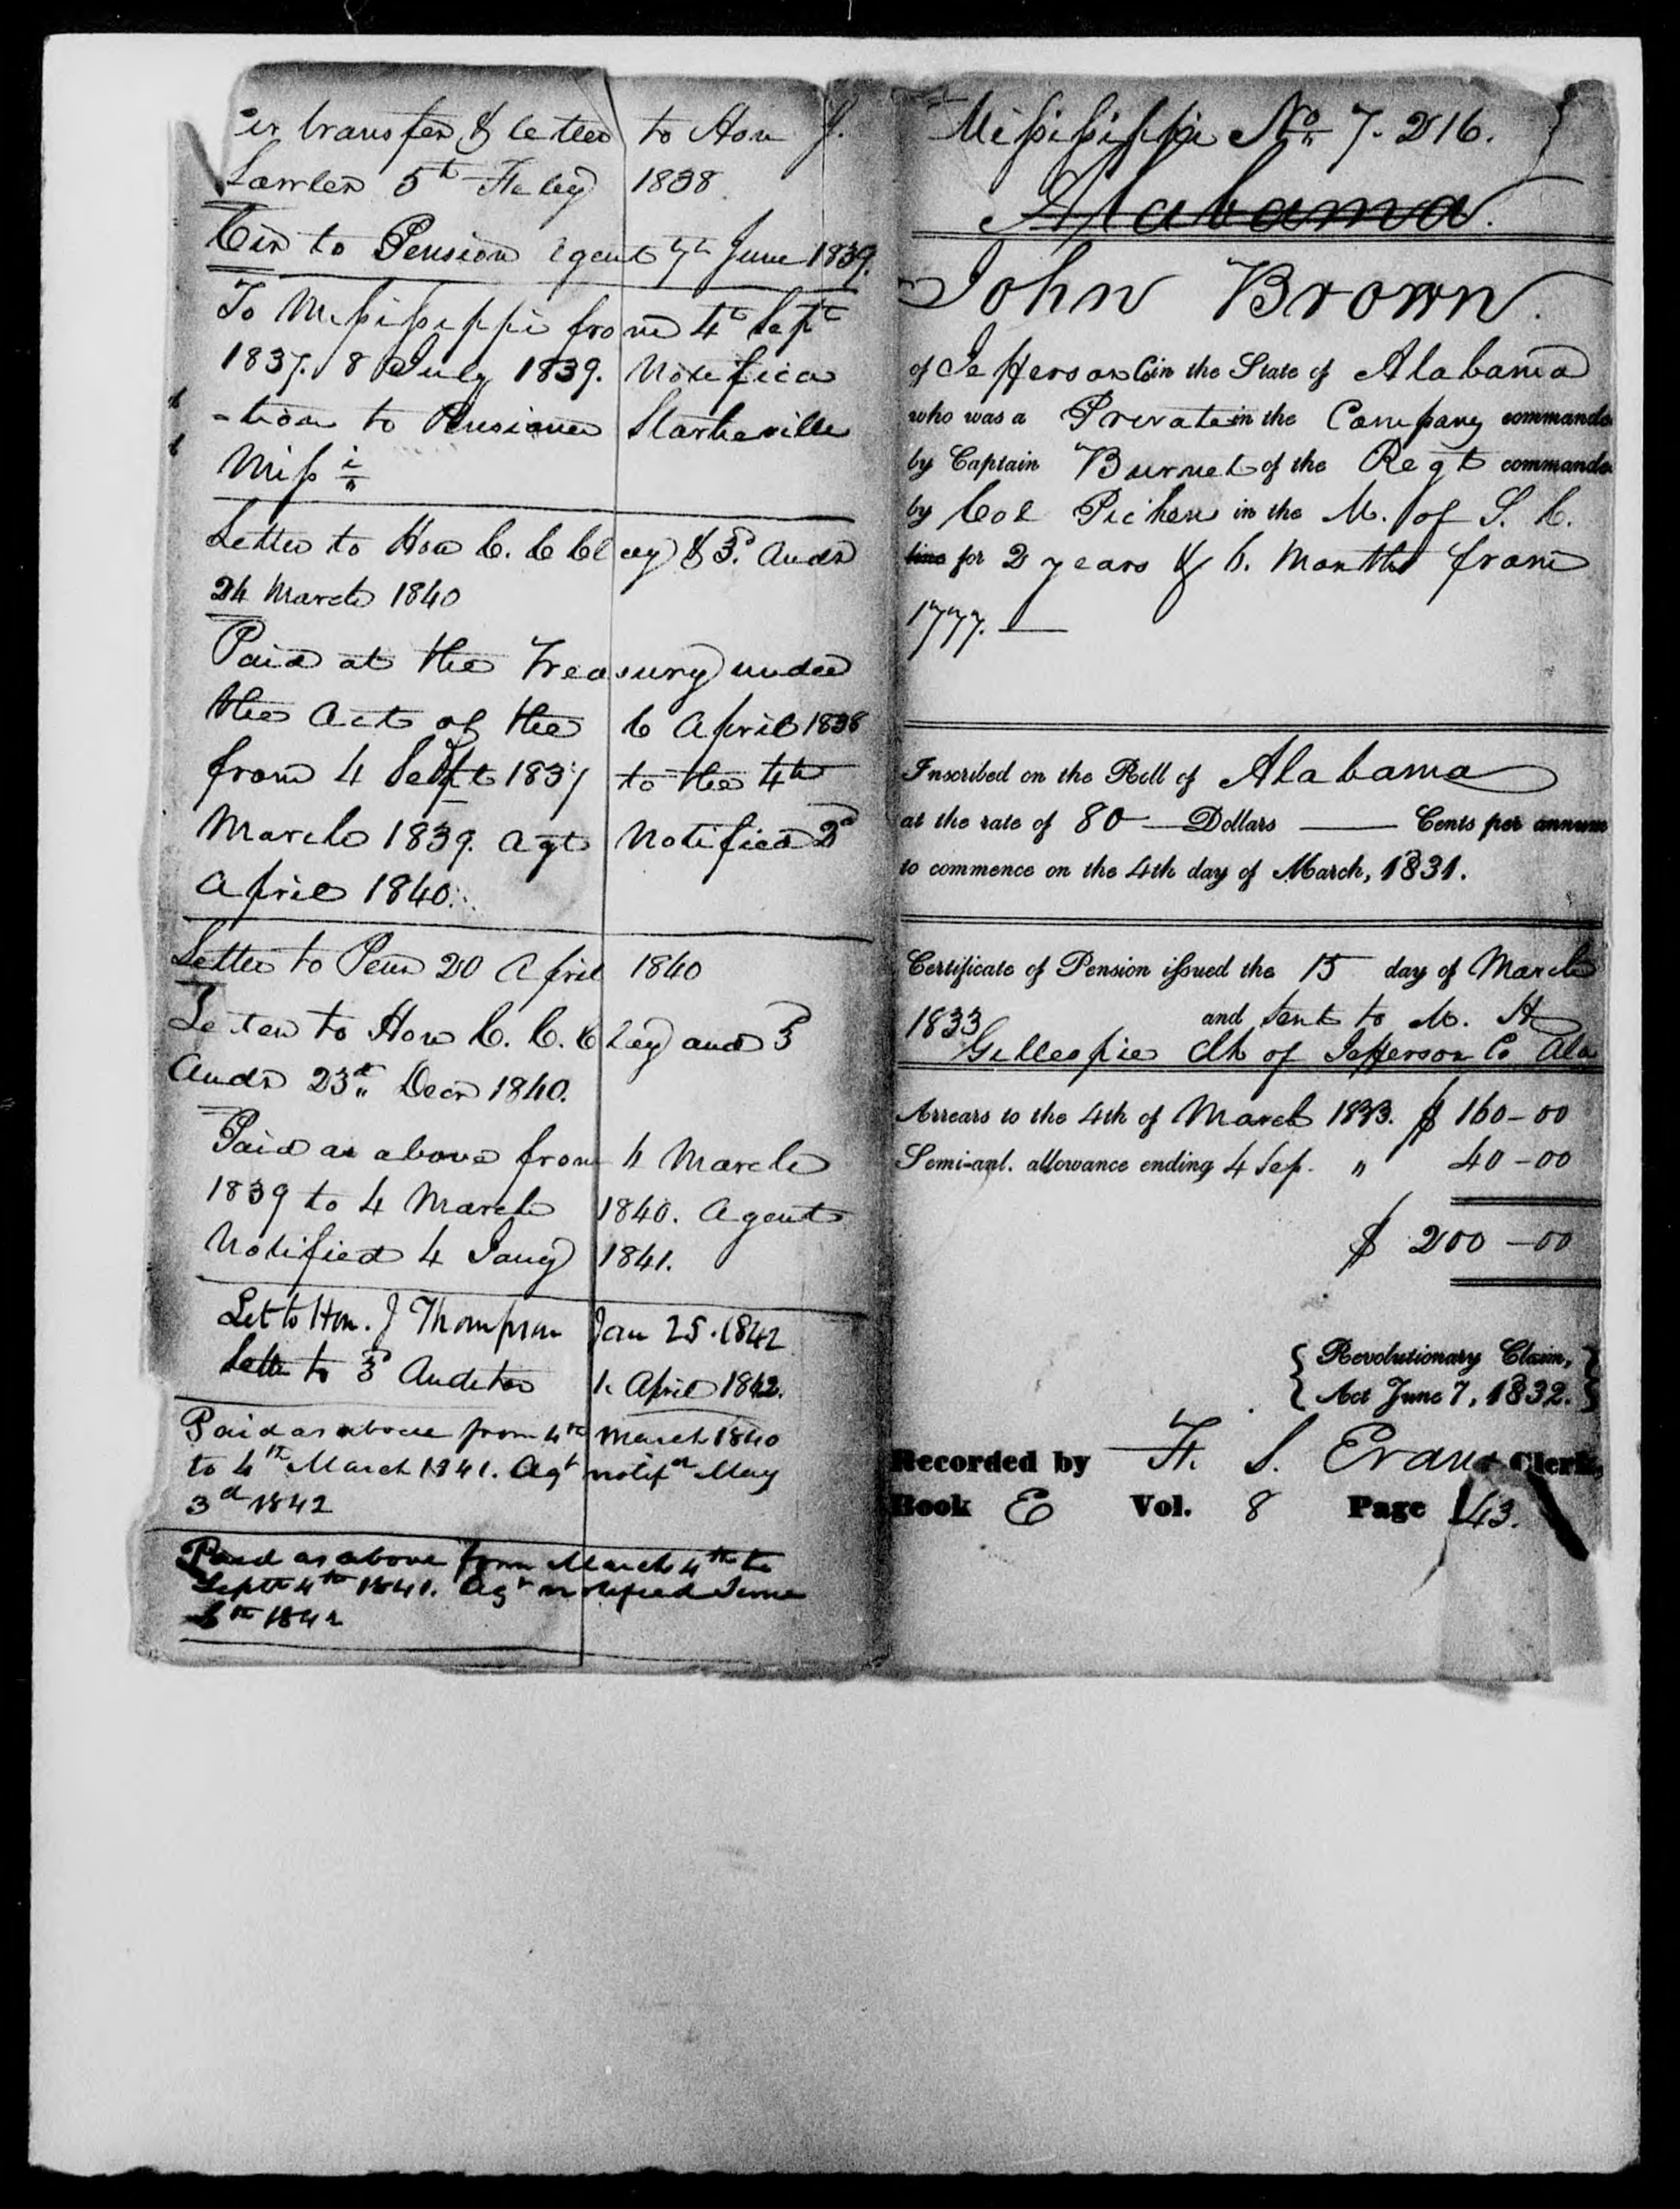cir transfer & letter to Hon J. Lawler 5th Feby 1838
Cir to Pension agent 7th June 1839

To Mississippi from 4th Sept 1837 
8 July 1839.  notification to  Pensioner Starkesville Missi

letter to Hon C C Clay, & 3d Audr
 24 March 1840

Paid at the Treasury under the Act of the 6 April 1838 from 4 Sept to 1837 to the 4th March 1839 Agt notified 2nd April 1840

Letter to Pens 20 April 1840
letter to Hon C C Clay, & 3d Audr
 23d Decr 1840
Paid as above from 4 March 1839 to 4 March 1840 Agent notified 4 Jany 1841

Let to Hon J Thompson Jan 25. 1842
Letter to 3d Auditor 1 April 1842

Paid as above from 4th March 1840
to 4th March 1841. Agt notifd May
3d 1842

Paid as above from March 4th to
Sept 4th 1841 .Agt notifd June 6th  1842

Mississippi  No 7216
John Brown
of Jefferson Co in the State of Alabama who was a Private  in the Company commanded by Captain Burnet of the Regt commanded
by Col [Andrew] Pickens in the M[ilitia] of S.C. for 2 years & 6 months from 1777

Inscribed on the Roll of Alabama at the Rate of 80 Dollars  _ Cents per annum, to commence on the 4th day of March, 1831.

Certificate of Pension issued the
15th day of March 1833 and sent to MH Gillespie Clk of Jefferson Co Ala

Arrears to the 4th of March 1833, $160-00
Semi-annl Allowance ending 4 Sep 33   40-00 =  $ 200-00

{Revolutionary Claims,}
{Acts of June 7, 1832.}
Recorded by F S Evans.  CLERK 
Book.  E  Vol. 8   Page 43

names: Picken, C C Clay, J Lawler, Burnet, C C Clay, F S Evans, Gillespie, John Brown, J Thompson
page: 2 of 85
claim: widow's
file: W. 5,906, John Brown, S.C.